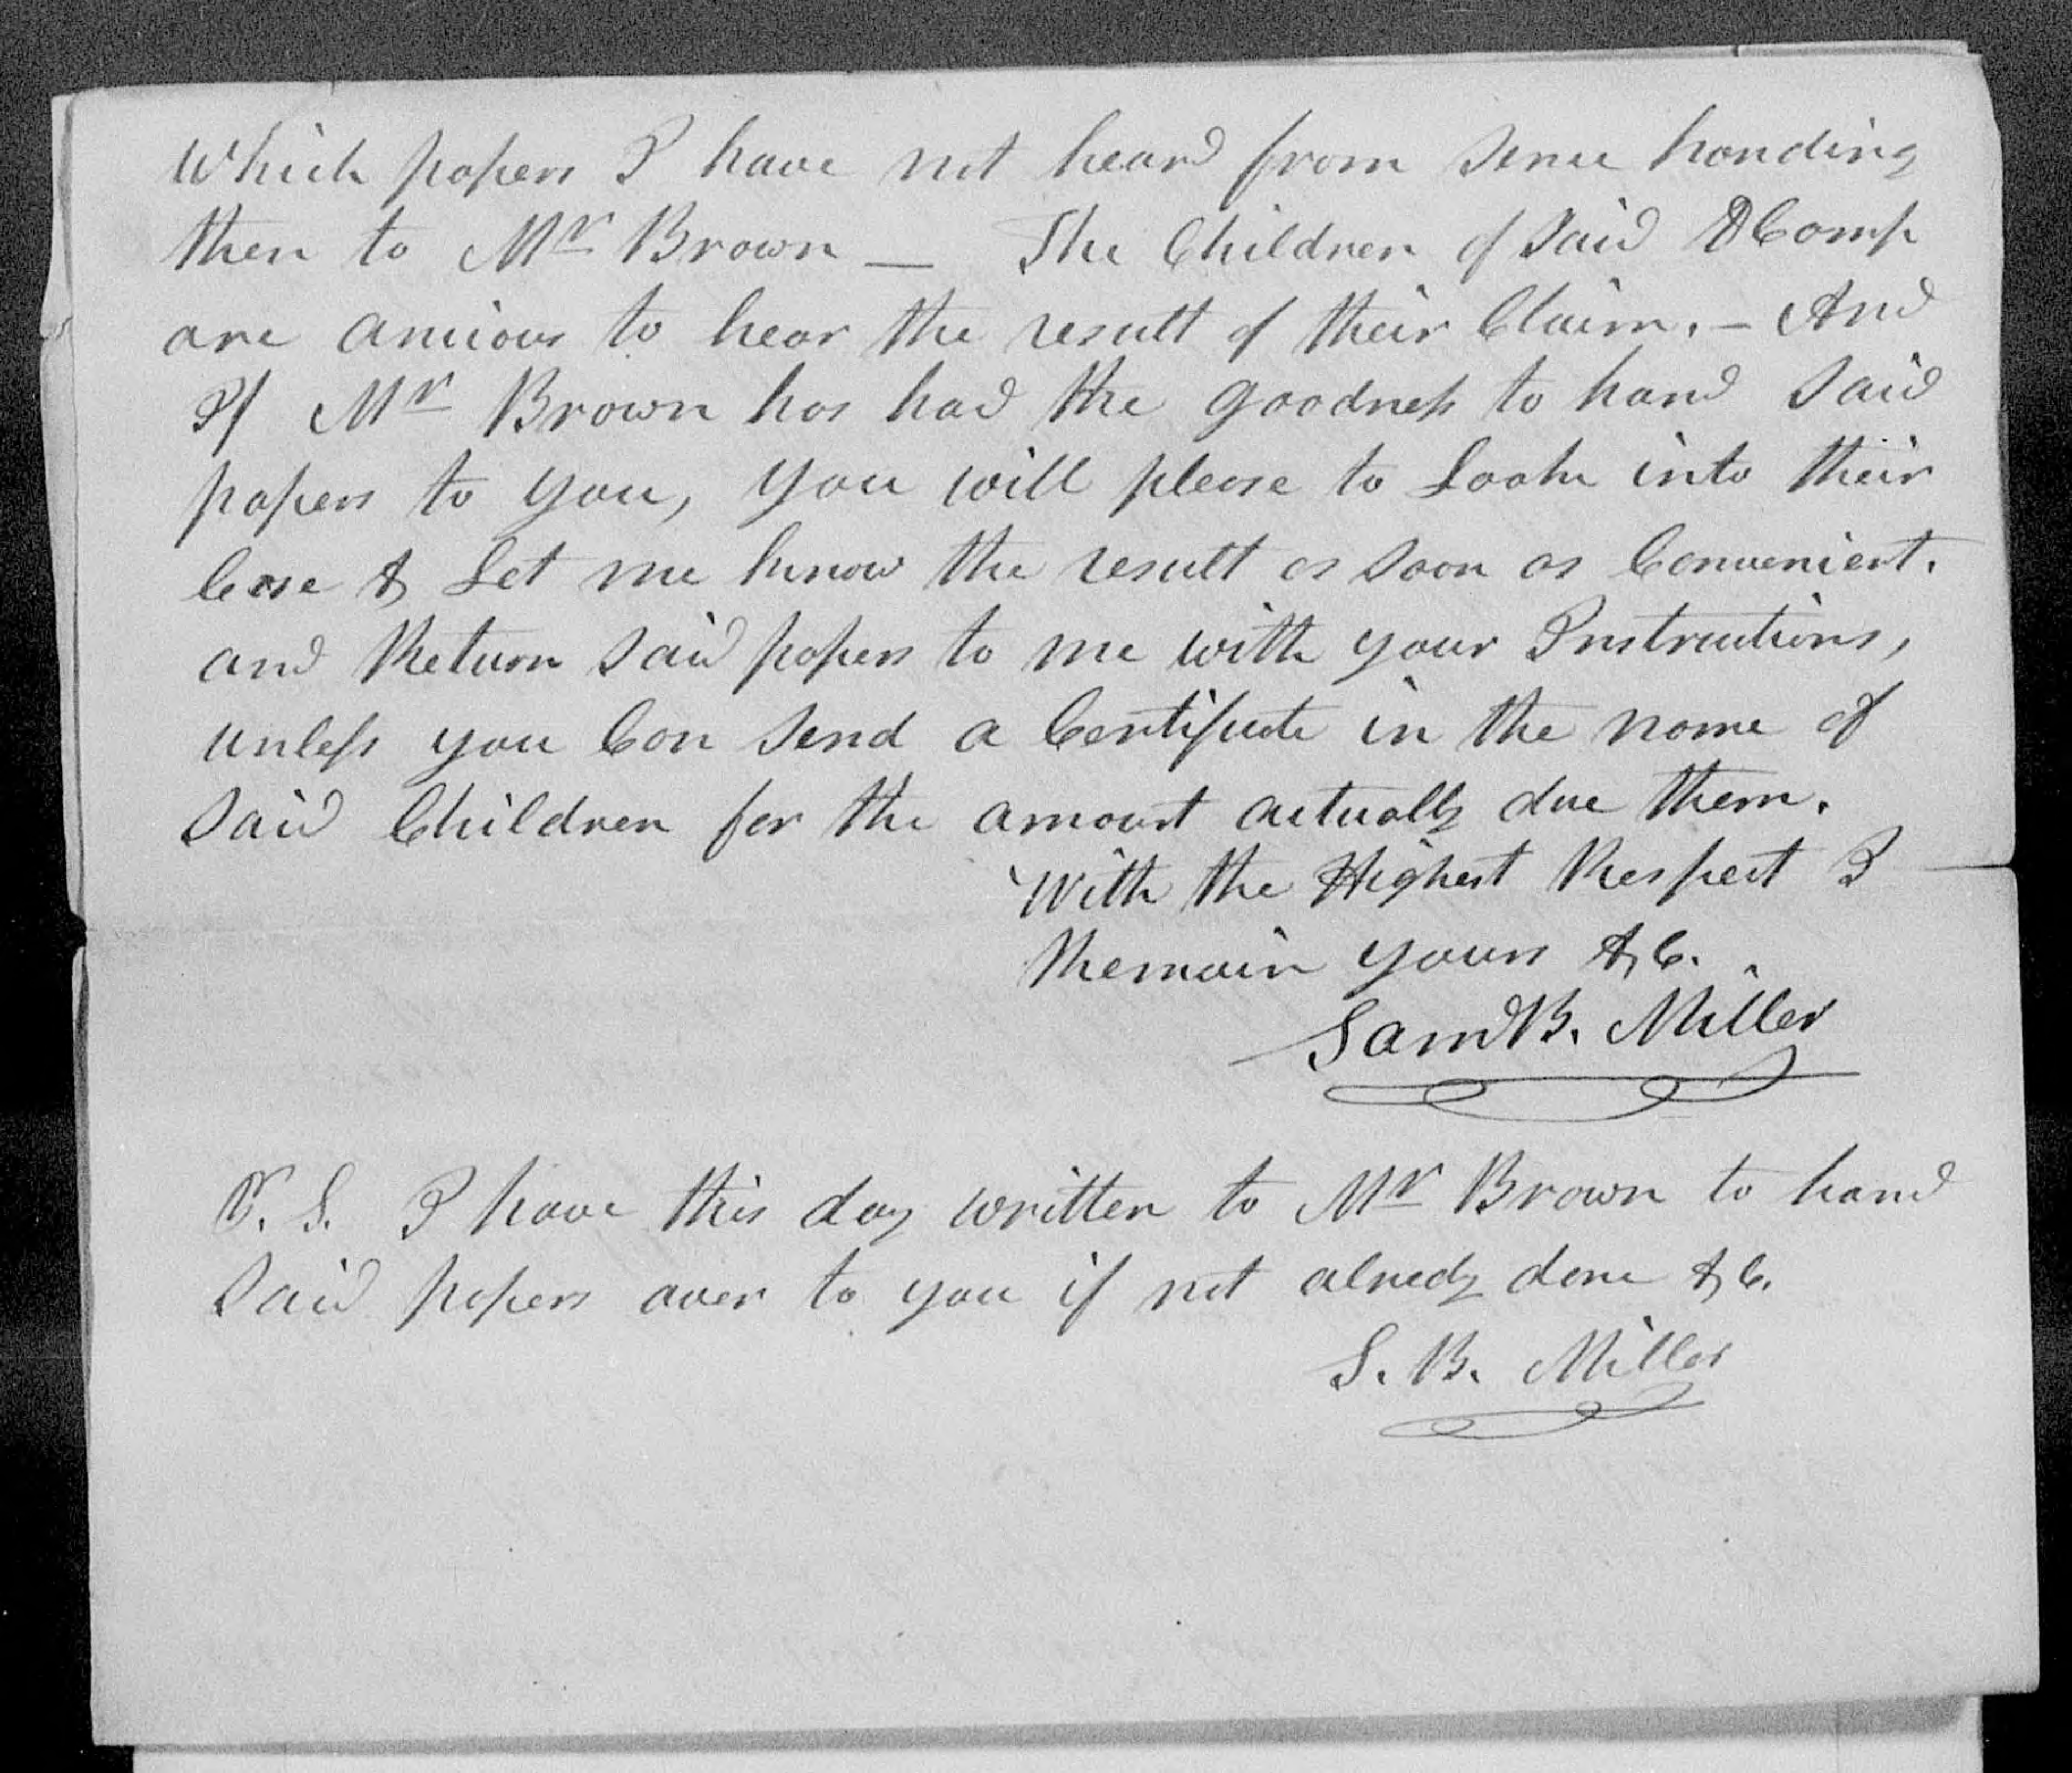which papers I have not heard from since handing them to Mr Brown.  The children of said D Camp are anxious to hear the result of their claim. And if Mr Brown has had the goodness to hand said papers to you, you will please to look into their loss & let me know the result as soon as convenient, and return said papers to me with your instructions, unless you can send a certificate in the name of said Children for the amount actually due them.

With the Highest Respect I
Remain yours &c
Sam B. Miller

P.S.  I have this day written to Mr Brown to hand
papers over to you if not already done &c.
S. B. Miller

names: Brown, Brown, S B Miller, Brown, Saml B Miller, D Camp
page: 24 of 52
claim: survivor's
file: S. 34172, Morris D Camp, Continental (New Jersey)